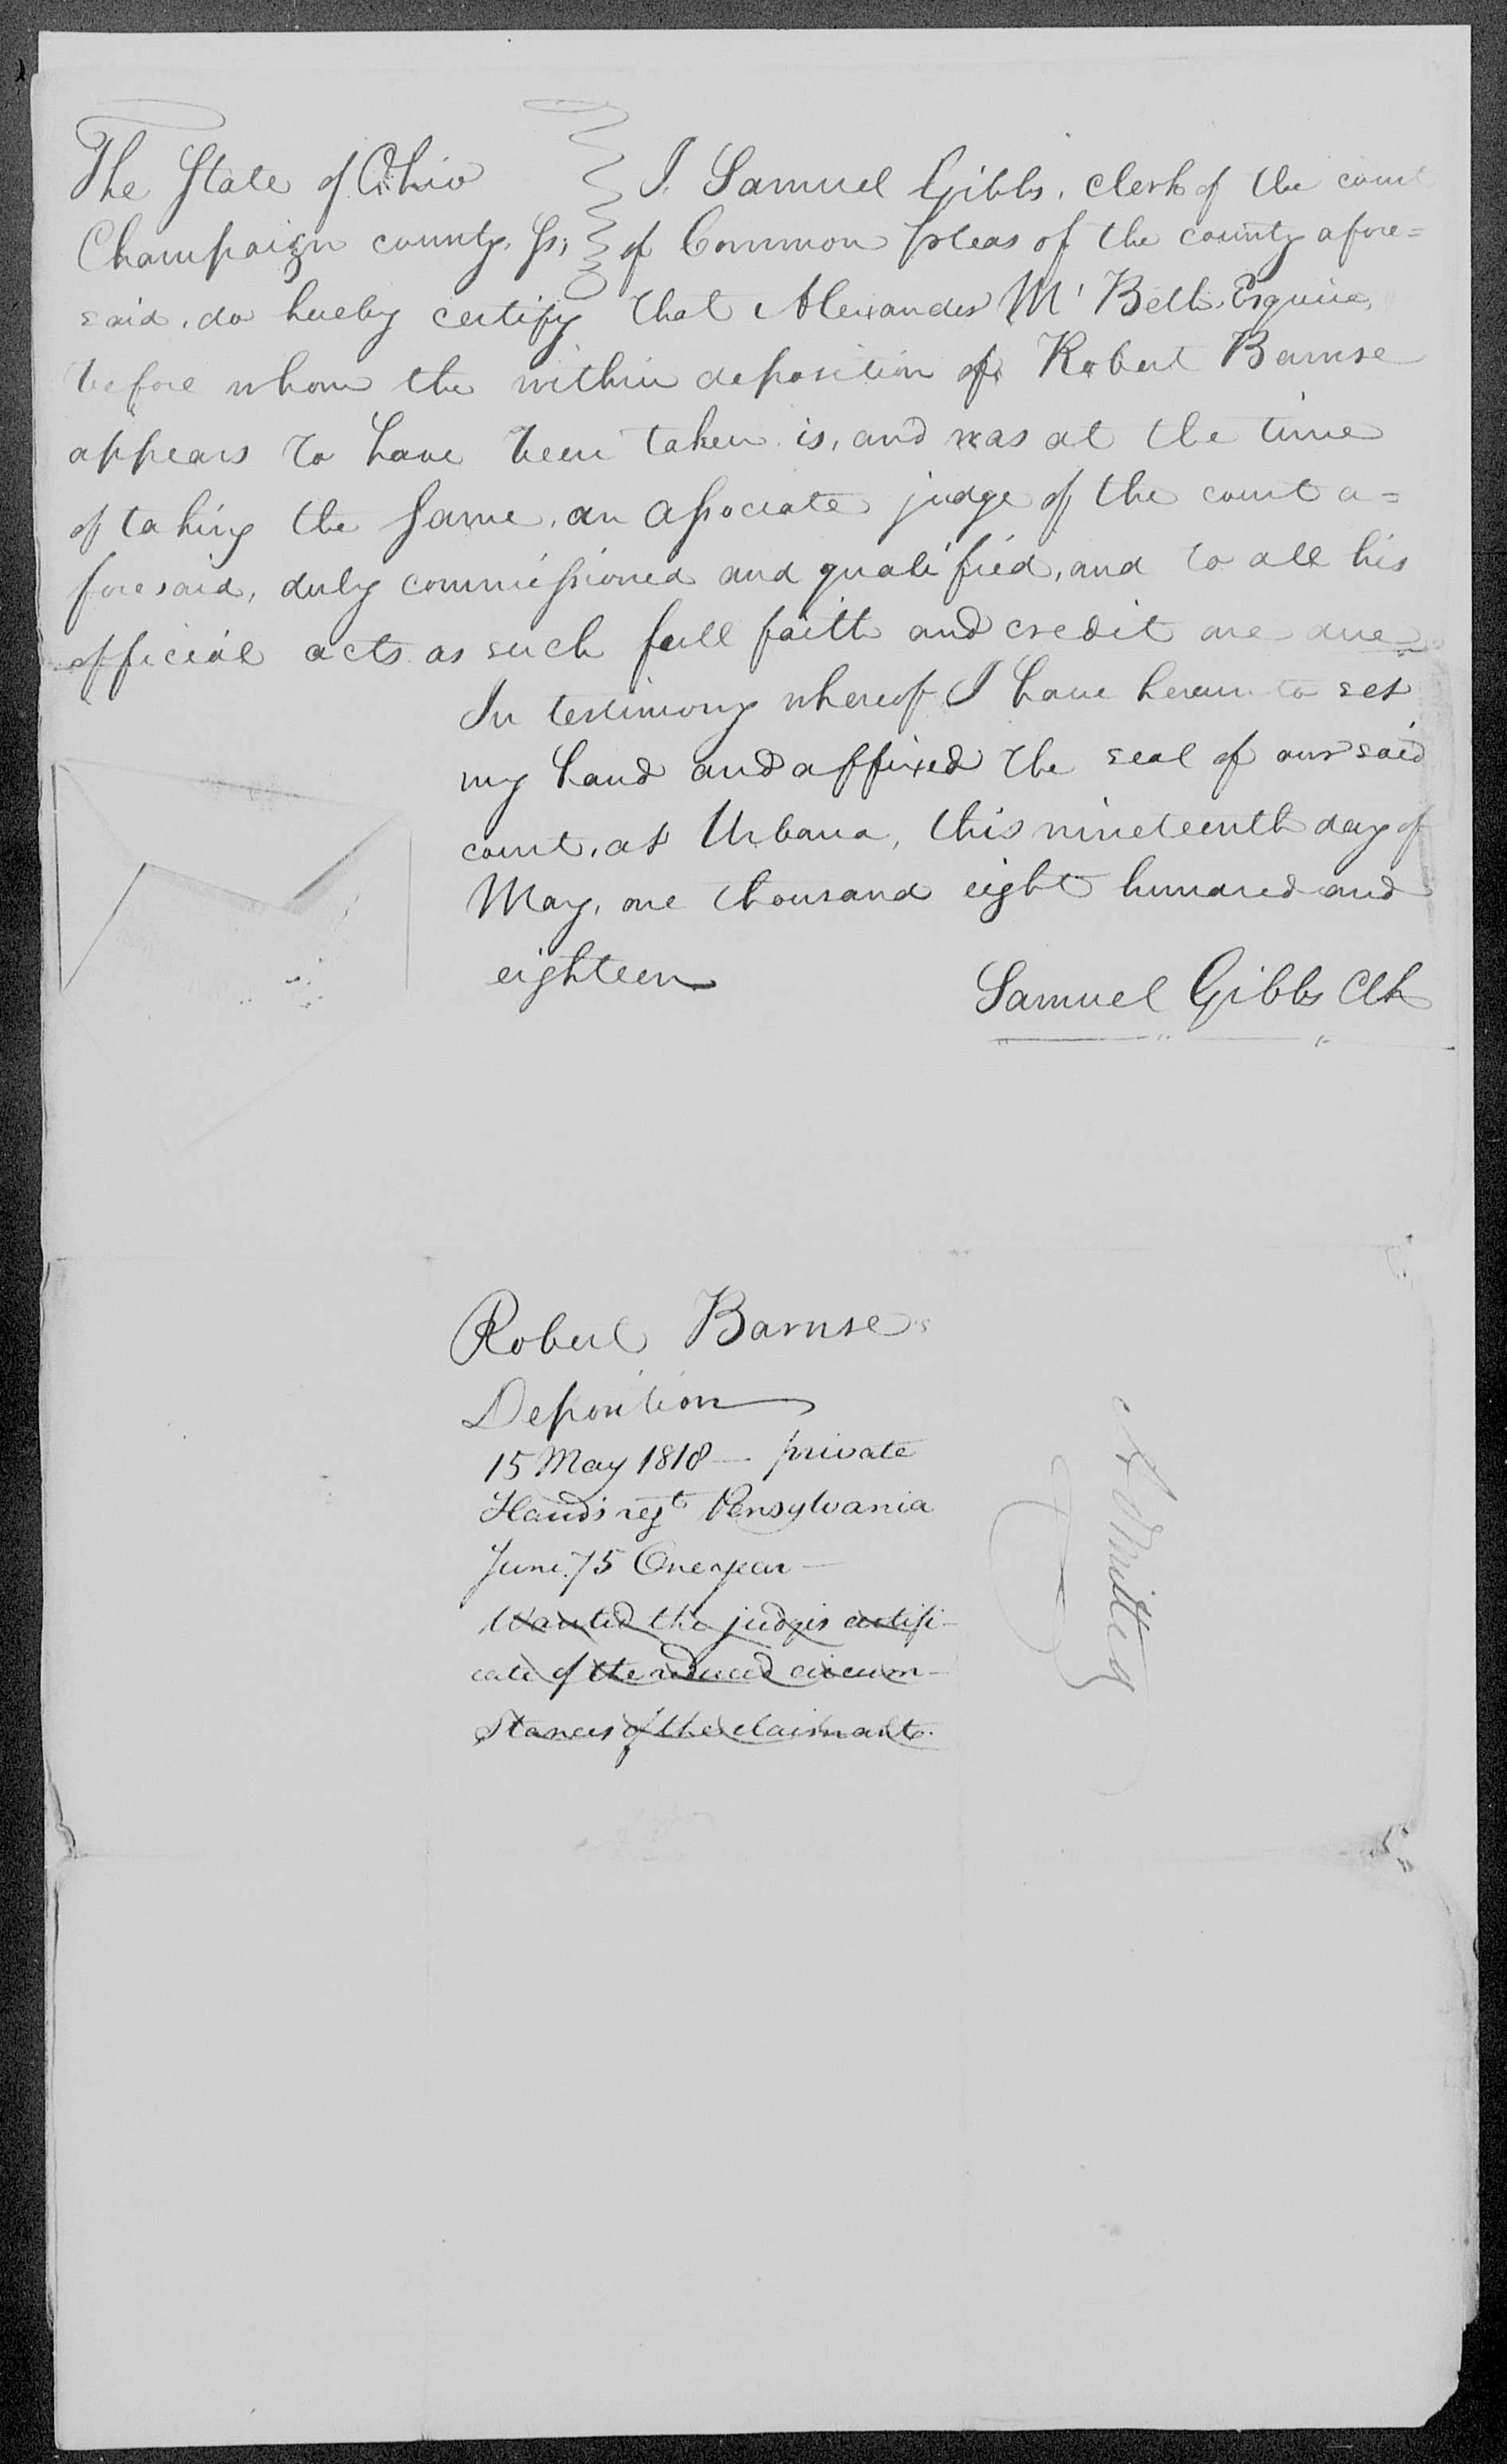The State of Ohio Champaign County
I, Samuel Gibbs, clerk of the court of Common please of the county aforesaid, do hereby certify that Alexander M. Bett, Esquire, before whom the within deposition of Robert Barnse appears to have been taken is, and was at the time of taking the former, an associate judge of the court a foresaid, duly commissioned and qualified, and to all his official acts as such full faith and credit are due In testimony whereof I have hereto set and my hand and affixed the seal of our said court, as of Urbarra, this nineteenth day of May, one thousand eight hundred and eighteen.
Samuel Gibbs, Clk


Robert Barnse
Deposition
15 May 1989 - private
Harding Pennsylvania
June 15 One year
Warranted the judges certificate of the reduced circumstances of the claimante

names: Samuel Gibbs, Alexander Mc Beth, Samuel Gibbs, Robert Barnse, Robert Barnse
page: 4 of 9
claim: survivor's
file: S. 45240, Robert Barnse, Continental Penn.